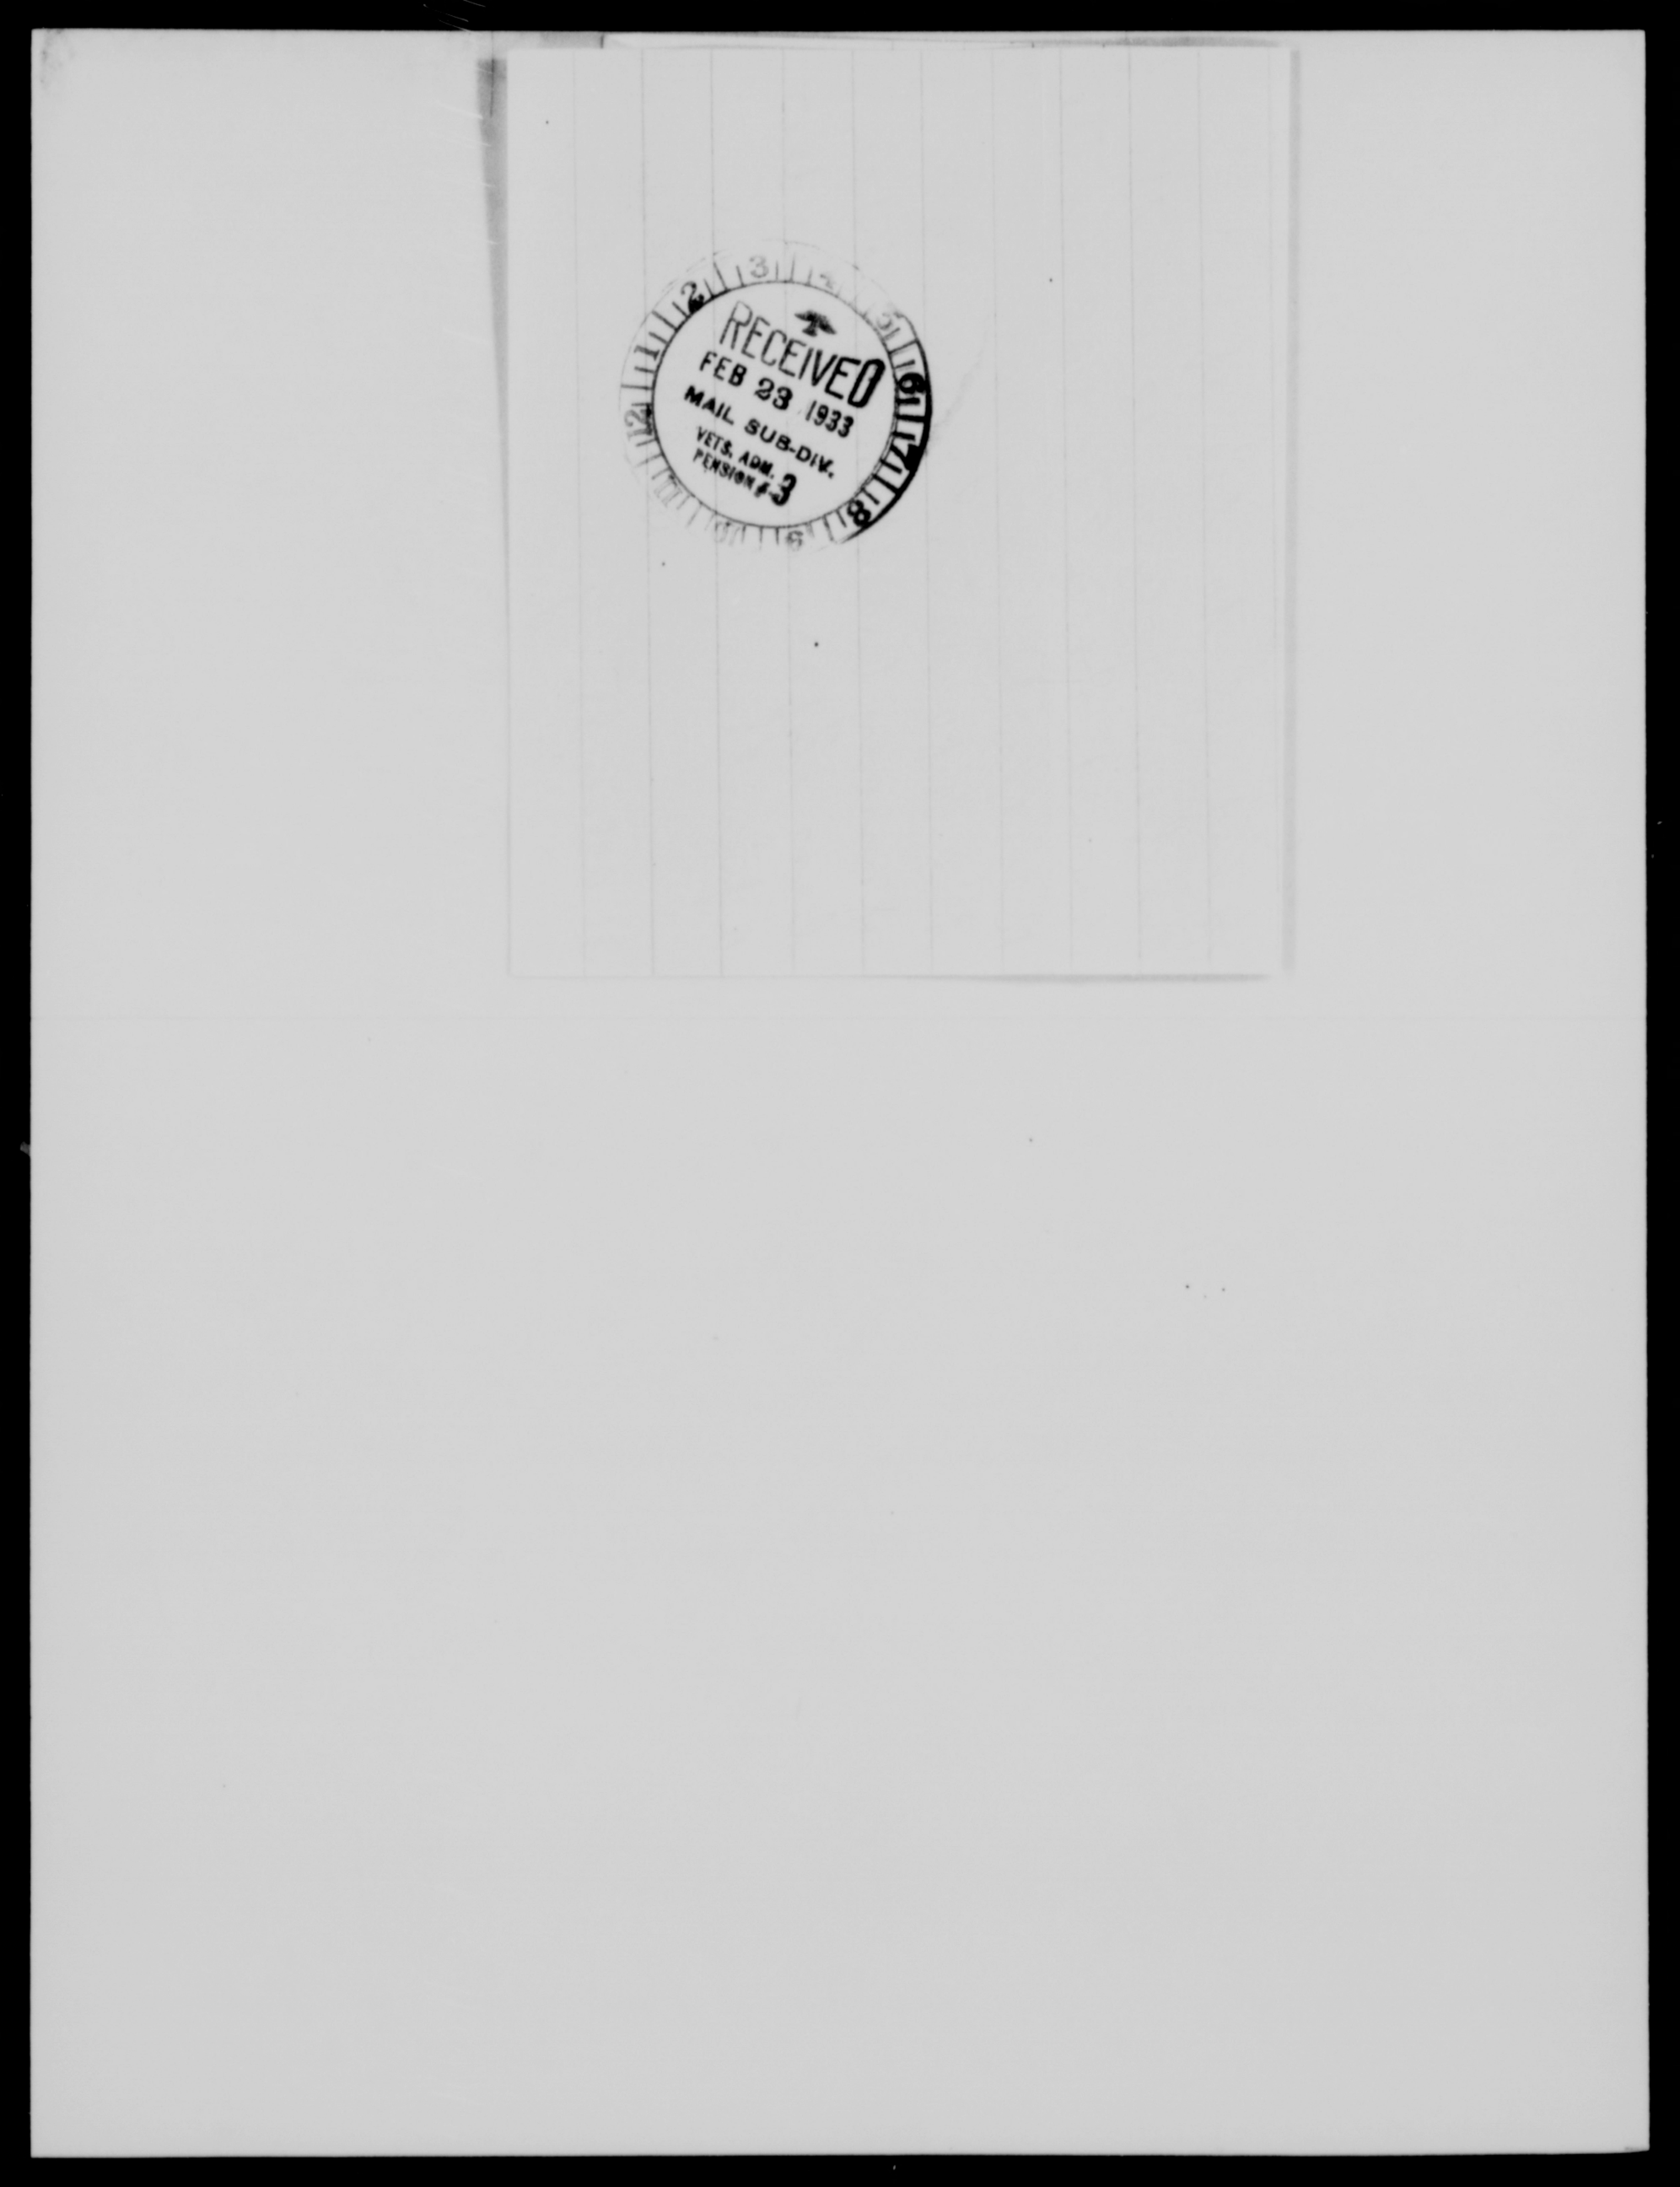Official stamp
Received
Feb 23 1933
MAIL. SUB-DIV.
VETS. ADM.
PENSION #3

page: 32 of 56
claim: widow's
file: W. 9040, Levi Young, Ga. New Jersey S.C.